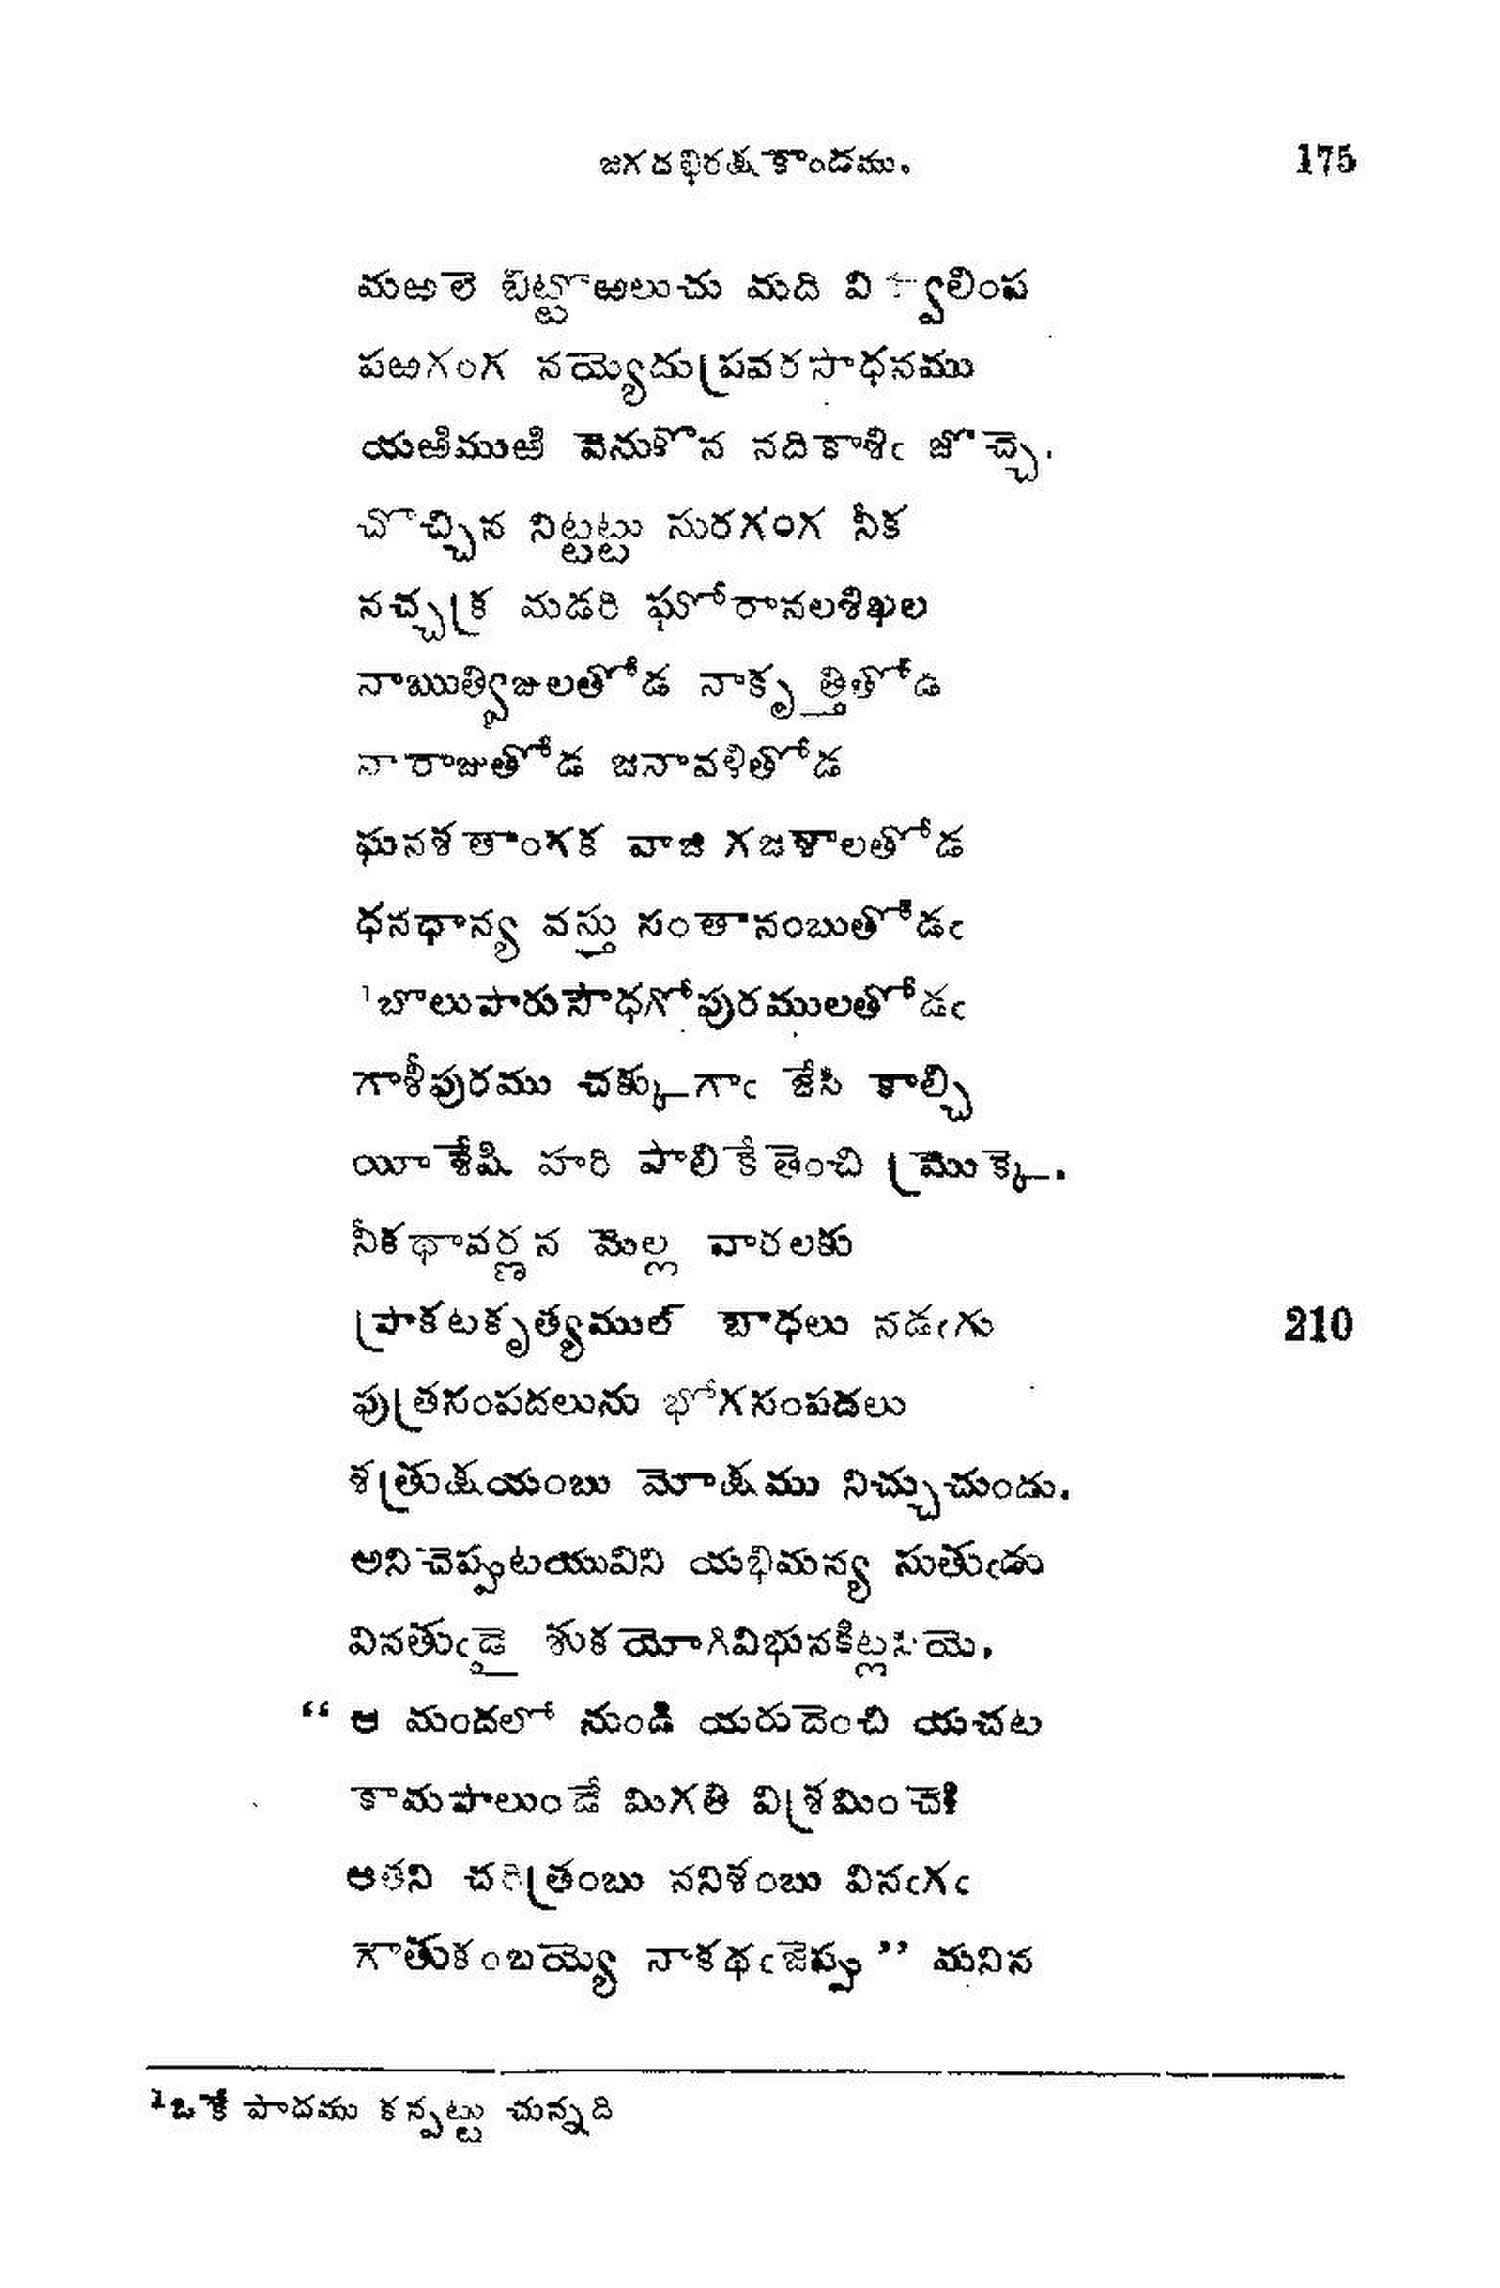మఱలె బిట్టొఱలుచు మది విహ్వలింప
పఱగంగ నయ్యెదు ప్రవరసాధనము
యఱిముఱి వెనుకొన నదికాశిఁ జొచ్చె. 
చొచ్చిన నిట్టట్టు సురగంగ నీక
నచ్చక్ర మడరి ఘోరానలశిఖల
నాఋత్విజులతోడ నాకృత్తితోడ
నారాజుతోడ జనావళితోడ
ఘనశతాంగక వాజి గజశాలతోడ
ధనధాన్య వస్తు సంతానంబుతోడఁ
బొలుపారుసౌధగోపురములతోడఁ
గాశీపురము చక్కుగాఁ జేసి కాల్చి
యీశేషి హరి పాలికేతెంచి మ్రొక్కె. 
నీకథావర్ణన మెల్ల వారలకు 
ప్రాకటకృత్యముల్ బాధలు నడఁగు 
పుత్రసంపదలును భోగసంపదలు
శత్రుక్షయంబు మోక్షము నిచ్చుచుండు.” 
అనిచెప్పుటయువిని యభిమన్యసుతుఁడు
వినతుఁడై శుకయోగివిభున కిట్లనియె. 
“ఆ మందలో నుండి యరుదెంచి యచట
కామపాలుండేమిగతి విశ్రమించె? 
ఆతని చరితంబు ననిశంబు వినఁగఁ
గౌతుకంబయ్యె నాకథఁ జెప్పు” మనిన